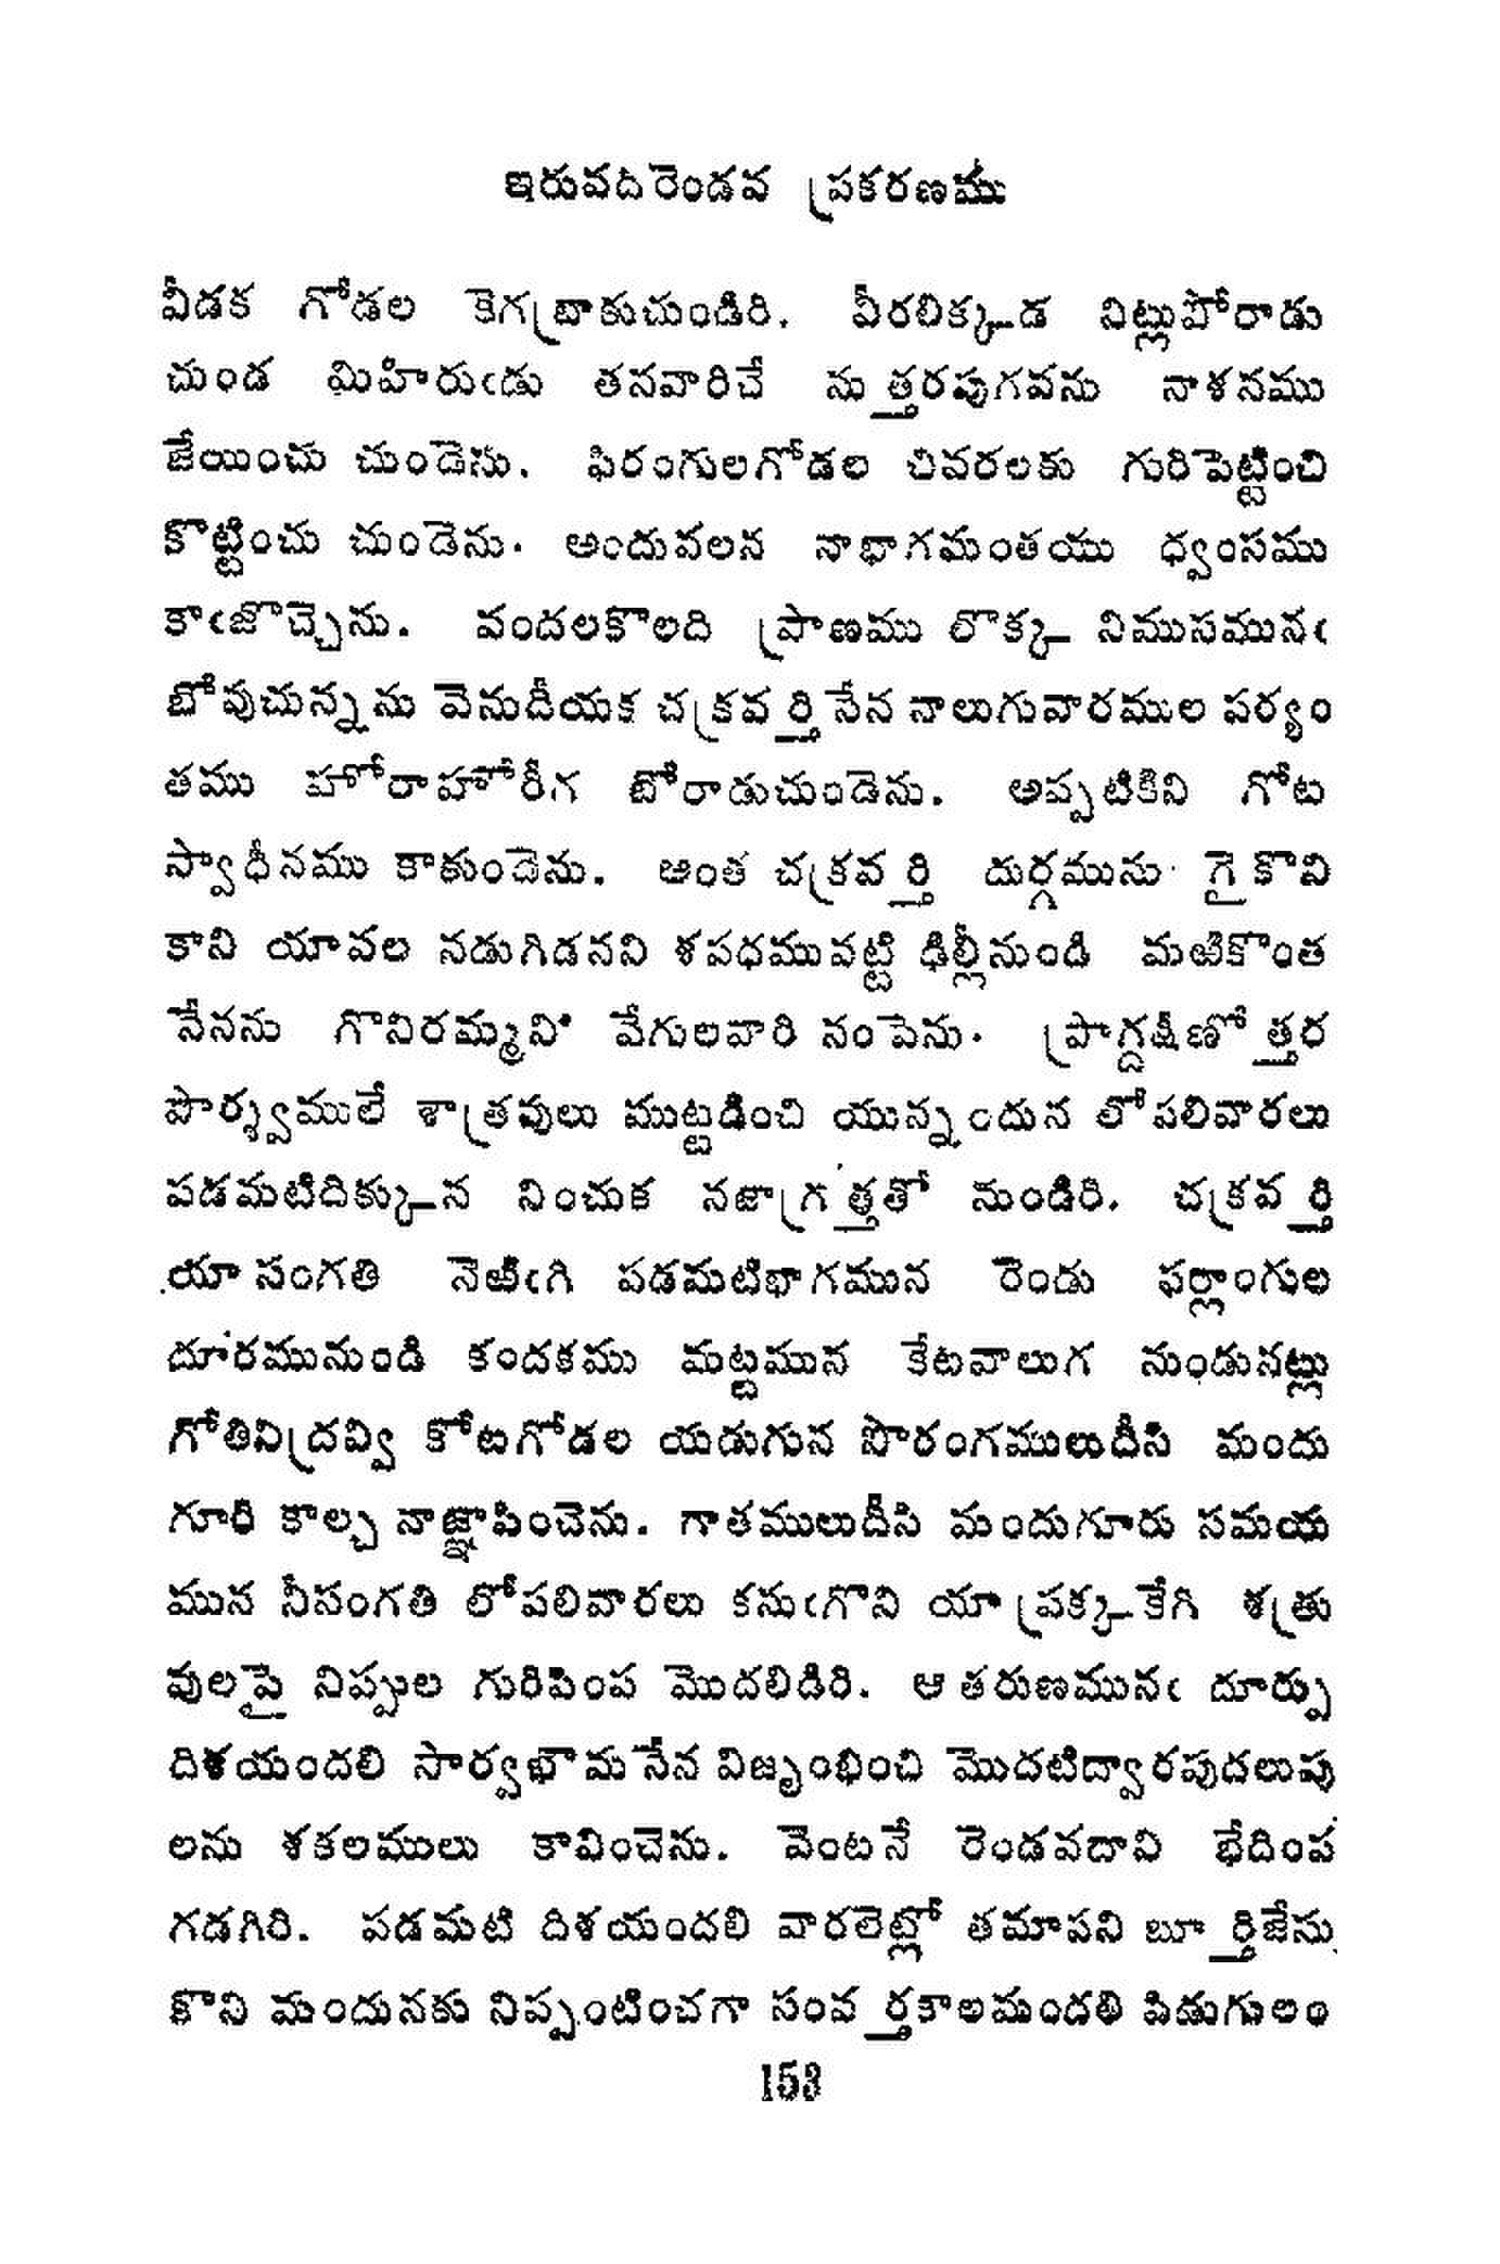వీడక గోడల కెగబ్రాకుచుండిరి. వీరలిక్కడ నిట్లుపోరాడుచుండ మిహిరుఁడు తనవారిచే నుత్తరపుగవను నాశనము జేయించు చుండెను. ఫిరంగులగోడల చివరలకు గురిపెట్టించి కొట్టించు చుండెను. అందువలన నాభాగమంతయు ధ్వంసము కాఁజొచ్చెను. వందలకొలది ప్రాణము లొక్క నిముసమునఁ బోవుచున్నను వెనుదీయక చక్రవర్తి సేన నాలుగువారముల పర్యంతము హోరాహోరీగ బోరాడుచుండెను. అప్పటికిని గోట స్వాధీనము కాకుండెను. అంత చక్రవర్తి దుర్గమును గైకొని కాని యావల నడుగిడనని శపధము వట్టి ఢిల్లీనుండి మఱికొంత సేనను గొనిరమ్మని వేగులవారి నంపెను. ప్రాగ్దక్షిణోత్తర పార్శ్వములే శాత్రవులు ముట్టడించి యున్నందున లోపలివారలు పడమటిదిక్కున నించుక నజాగ్రత్తతో నుండిరి. చక్రవర్తి యాసంగతి నెఱిఁగి పడమటిభాగమున రెండు ఫర్లాంగుల దూరమునుండి కందకము మట్టమున కేటవాలుగ నుండునట్లు గోతినిద్రవ్వి కోటగోడల యడుగున సొరంగములుదీసి మందుగూరి కాల్చ నాజ్ఞాపించెను. గాతములుదీసి మందుగూరు సమయమున నీసంగతి లోపలివారలు కనుఁగొని యాప్రక్క కేగి శత్రువులపై నిప్పుల గురిపింప మొదలిడిరి. ఆ తరుణమునఁ దూర్పు దిశయందలి సార్వభౌమసేన విజృంభించి మొదటి ద్వారపుదలుపులను శకలములు కావించెను. వెంటనే రెండవదాని భేదింప గడగిరి. పడమటి దిశ యందలి వారలెట్లో తమాపని బూర్తిజేసుకొని మందునకు నిప్పంటించగా సంవర్తకాలమందలి పిడుగులం